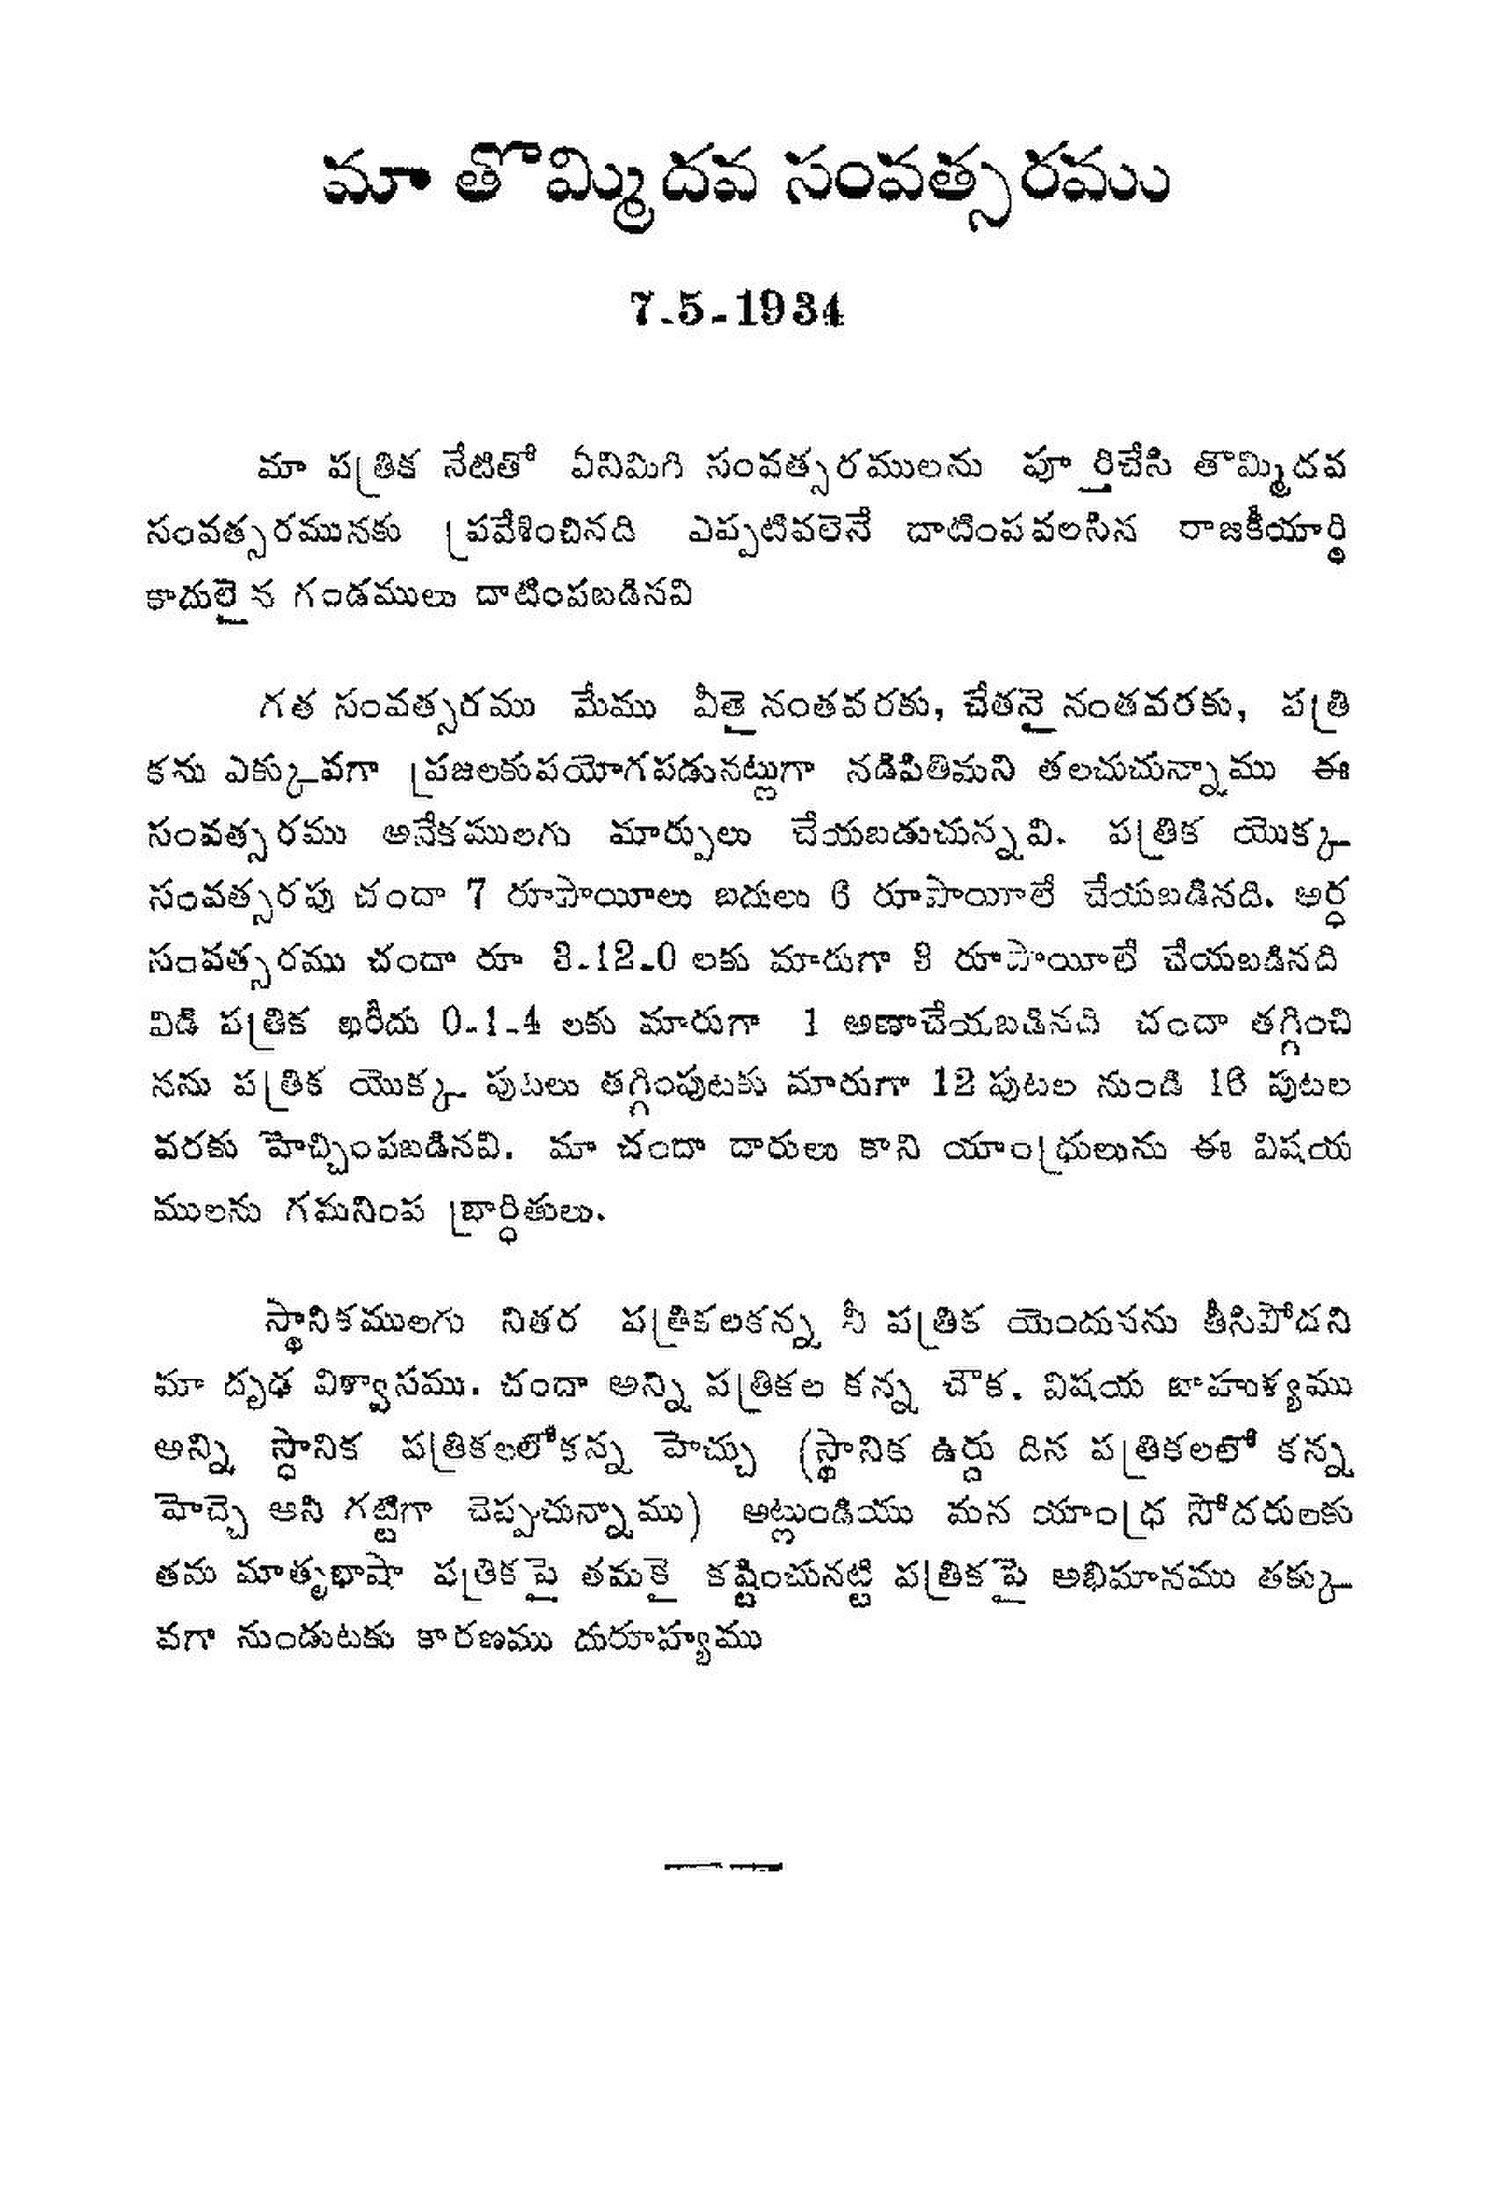మా తొమ్మిదవ సంవత్సరము

7 - 5 - 1934

మా పత్రిక నేటితో ఏనిమిది సంవత్సరములను పూర్తిచేసి తొమ్మిదవ సంవత్సరమునకు ప్రవేశించినది ఎప్పటివలెనే దాటింపవలసిన రాజకీయార్థి కాదులైన గండములు దాటింపబడినవి

గత సంవత్సరము మేము వీలైనంతవరకు, చేతనైనంతవరకు, పత్రికను ఎక్కువగా ప్రజలకుపయోగపడునట్లుగా నడిపితిమని తలచుచున్నాము ఈ సంవత్సరము అనేకములగు మార్పులు చేయబడుచున్నవి. పత్రిక యొక్క సంవత్సరపు చందా 7 రూపాయీలు బదులు 6 రూపాయీలే చేయబడినది. అర్ధ సంవత్సరము చందా రూ 3.12.0 లకు మారుగా 3 రూపాయీలే చేయబడినది విడి పత్రిక ఖరీదు 0-1-4 లకు మారుగా 1 అణాచేయబడినది చందా తగ్గించినను పత్రిక యొక్క పుటలు తగ్గింపుటకు మారుగా 12 పుటల నుండి 16 పుటల వరకు హెచ్చింపబడినవి. మా చందా దారులు కాని యాంధ్రులును ఈ విషయములను గమనింప బ్రార్ధితులు.

స్థానికములగు నితర పత్రికలకన్న నీ పత్రిక యెందునను తీసిపోదని మా దృఢ విశ్వాసము. చందా అన్ని పత్రికల కన్న చౌక. విషయ బాహుళ్యము అన్ని స్థానిక పత్రికలలోకన్న హెచ్చు (స్థానిక ఉర్దు దిన పత్రికలలో కన్న హెచ్చె అని గట్టిగా చెప్పచున్నాము) అట్లుండియు మన యాంధ్ర సోదరులకు తమ మాతృభాషా పత్రికపై తమకై కష్టించునట్టి పత్రికపై అభిమానము తక్కువగా నుండుటకు కారణము దురూహ్యము